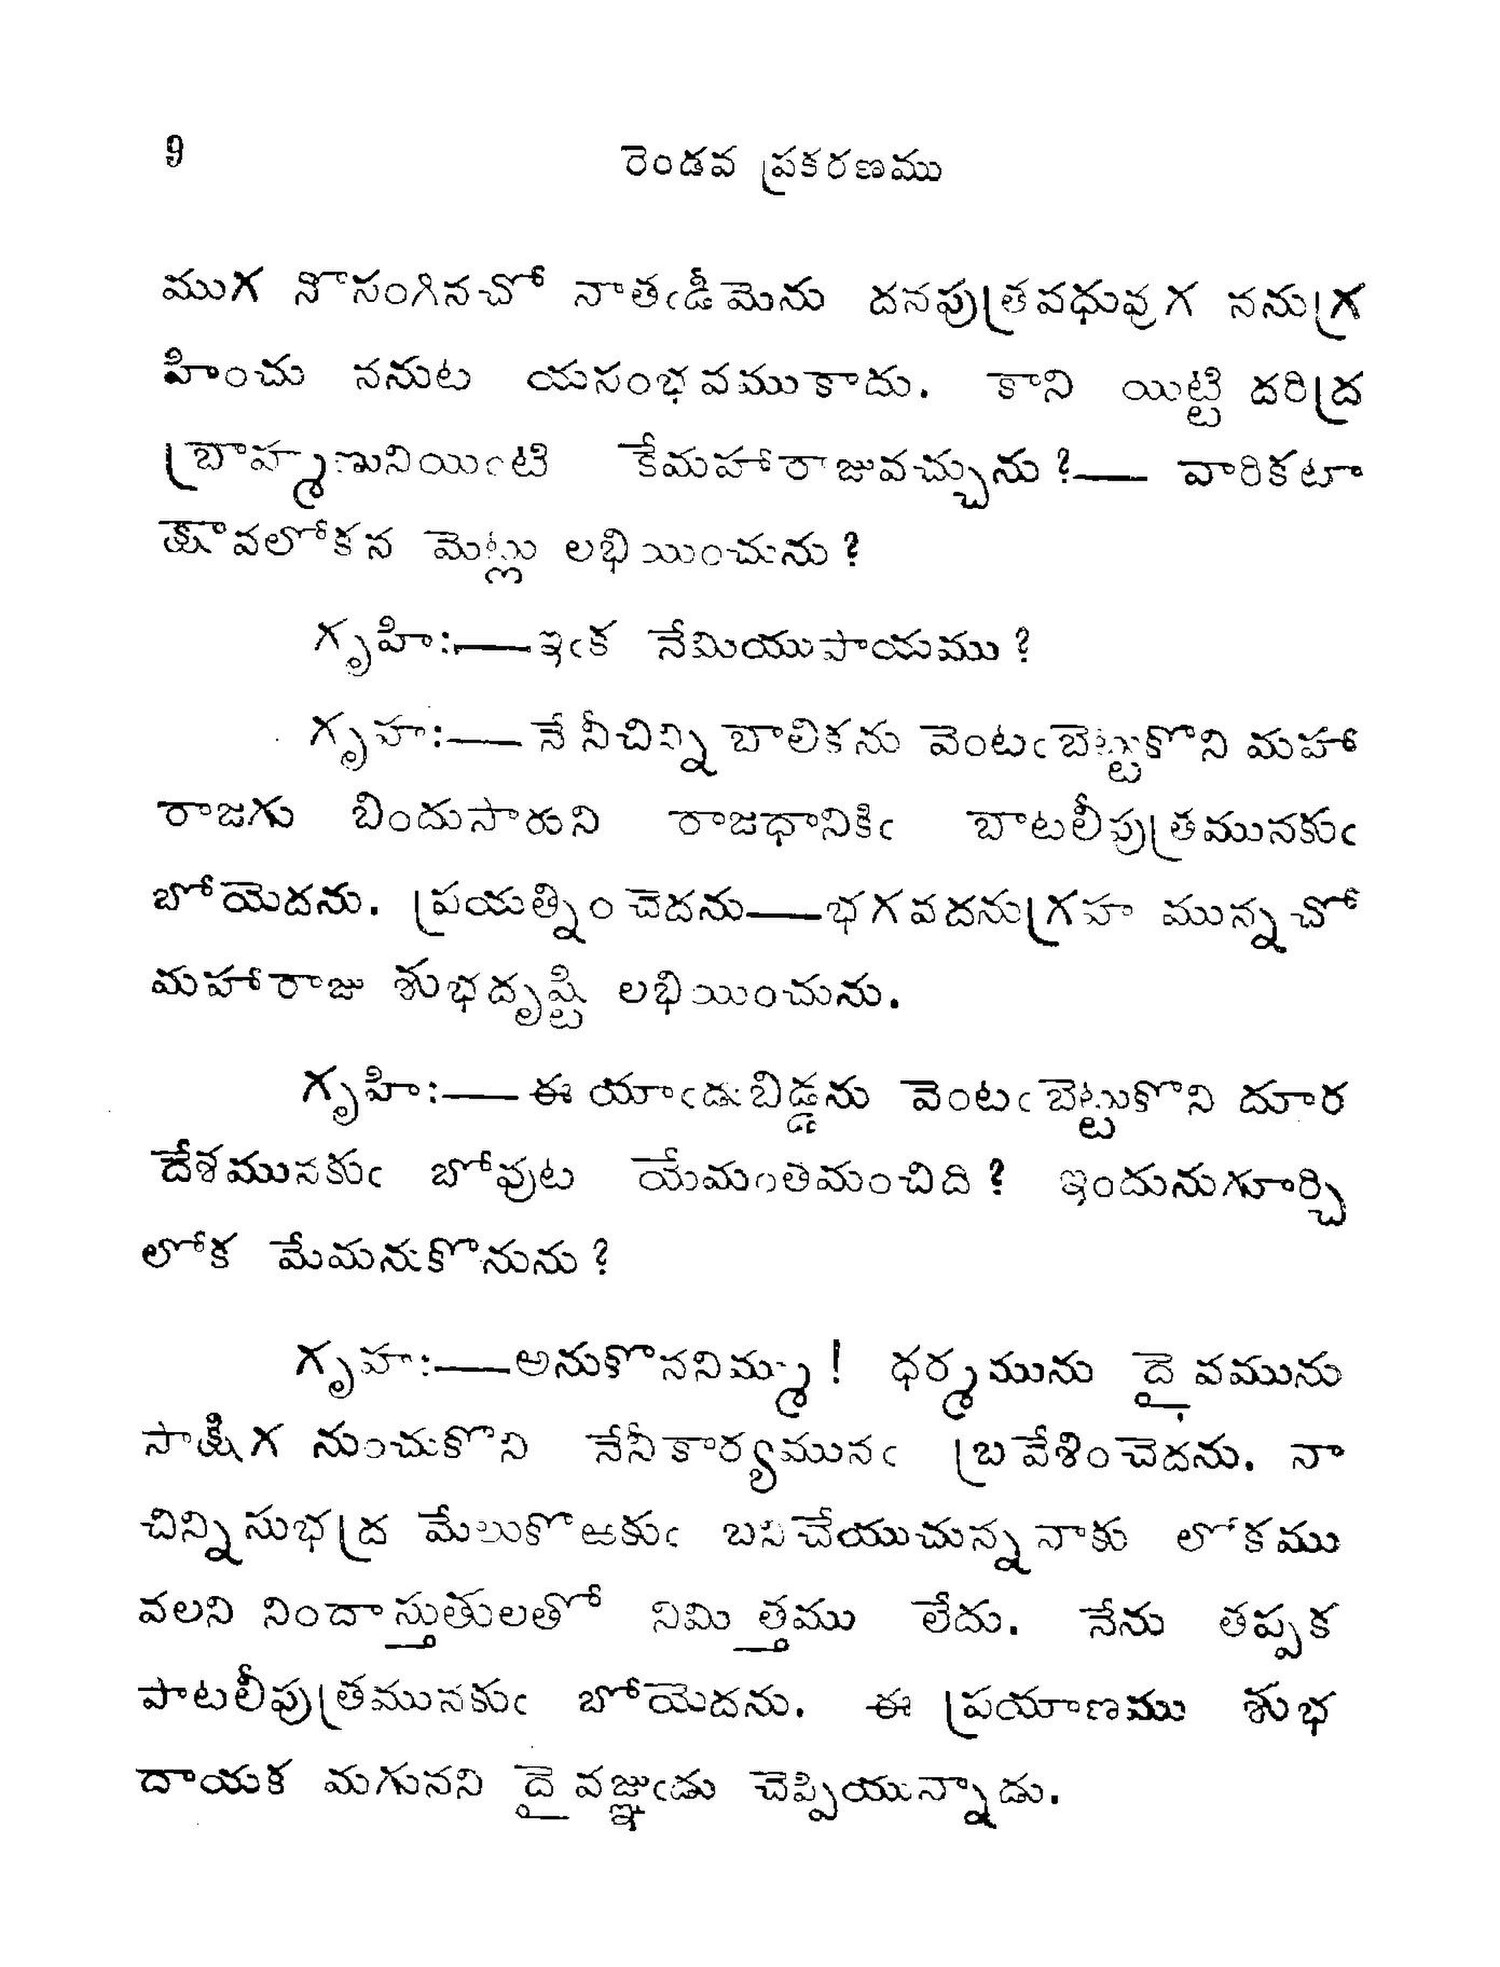ముగ నొసంగినచో నాతఁడీ మెను దనపుత్రవధువుగ ననుగ్రహించు ననుట యసంభవము కాదు. కాని యిట్టి దరిద్ర బ్రాహ్మణునియింటి కేమహారాజువచ్చును? — వారికటాక్షావలోకన మెట్లు లభియించును?

గృహి:-ఇఁక నేమియుపాయము ?

గృహ:- నే నీ చిన్ని బాలికను వెంటఁ బెట్టుకొని మహారాజగు బిందుసారుని రాజధానికి బాటలీపుత్రమునకుఁ బోయెదను. ప్రయత్నించెదను—భగవదనుగ్రహ మున్నచో మహా రాజు శుభదృష్టి లభియించును.

గృహి:- ఈ యాఁడుబిడ్డను వెంటఁ బెట్టుకొని దూర దేశమునకుఁ బోవుట యేమంత మంచిది ? ఇందునుగూర్చి లోక మేమనుకొనును?

గృహ:— అనుకొననిమ్ము ! ధర్మమును దైవమును సాక్షిగ నుంచుకొని నేనీ కార్యమునఁ బ్రవేశించెదను. నా చిన్ని సుభద్ర మేలుకొఱకుఁ బస చేయుచున్న నాకు లోకము వలని నిందాస్తుతులతో నిమిత్తము లేదు. నేను తప్పక పాటలీపుత్రమునకుఁ బోయెదను. ఈ ప్రయాణము శుభదాయక మగునని దైవజ్ఞుఁడు చెప్పియున్నాడు.